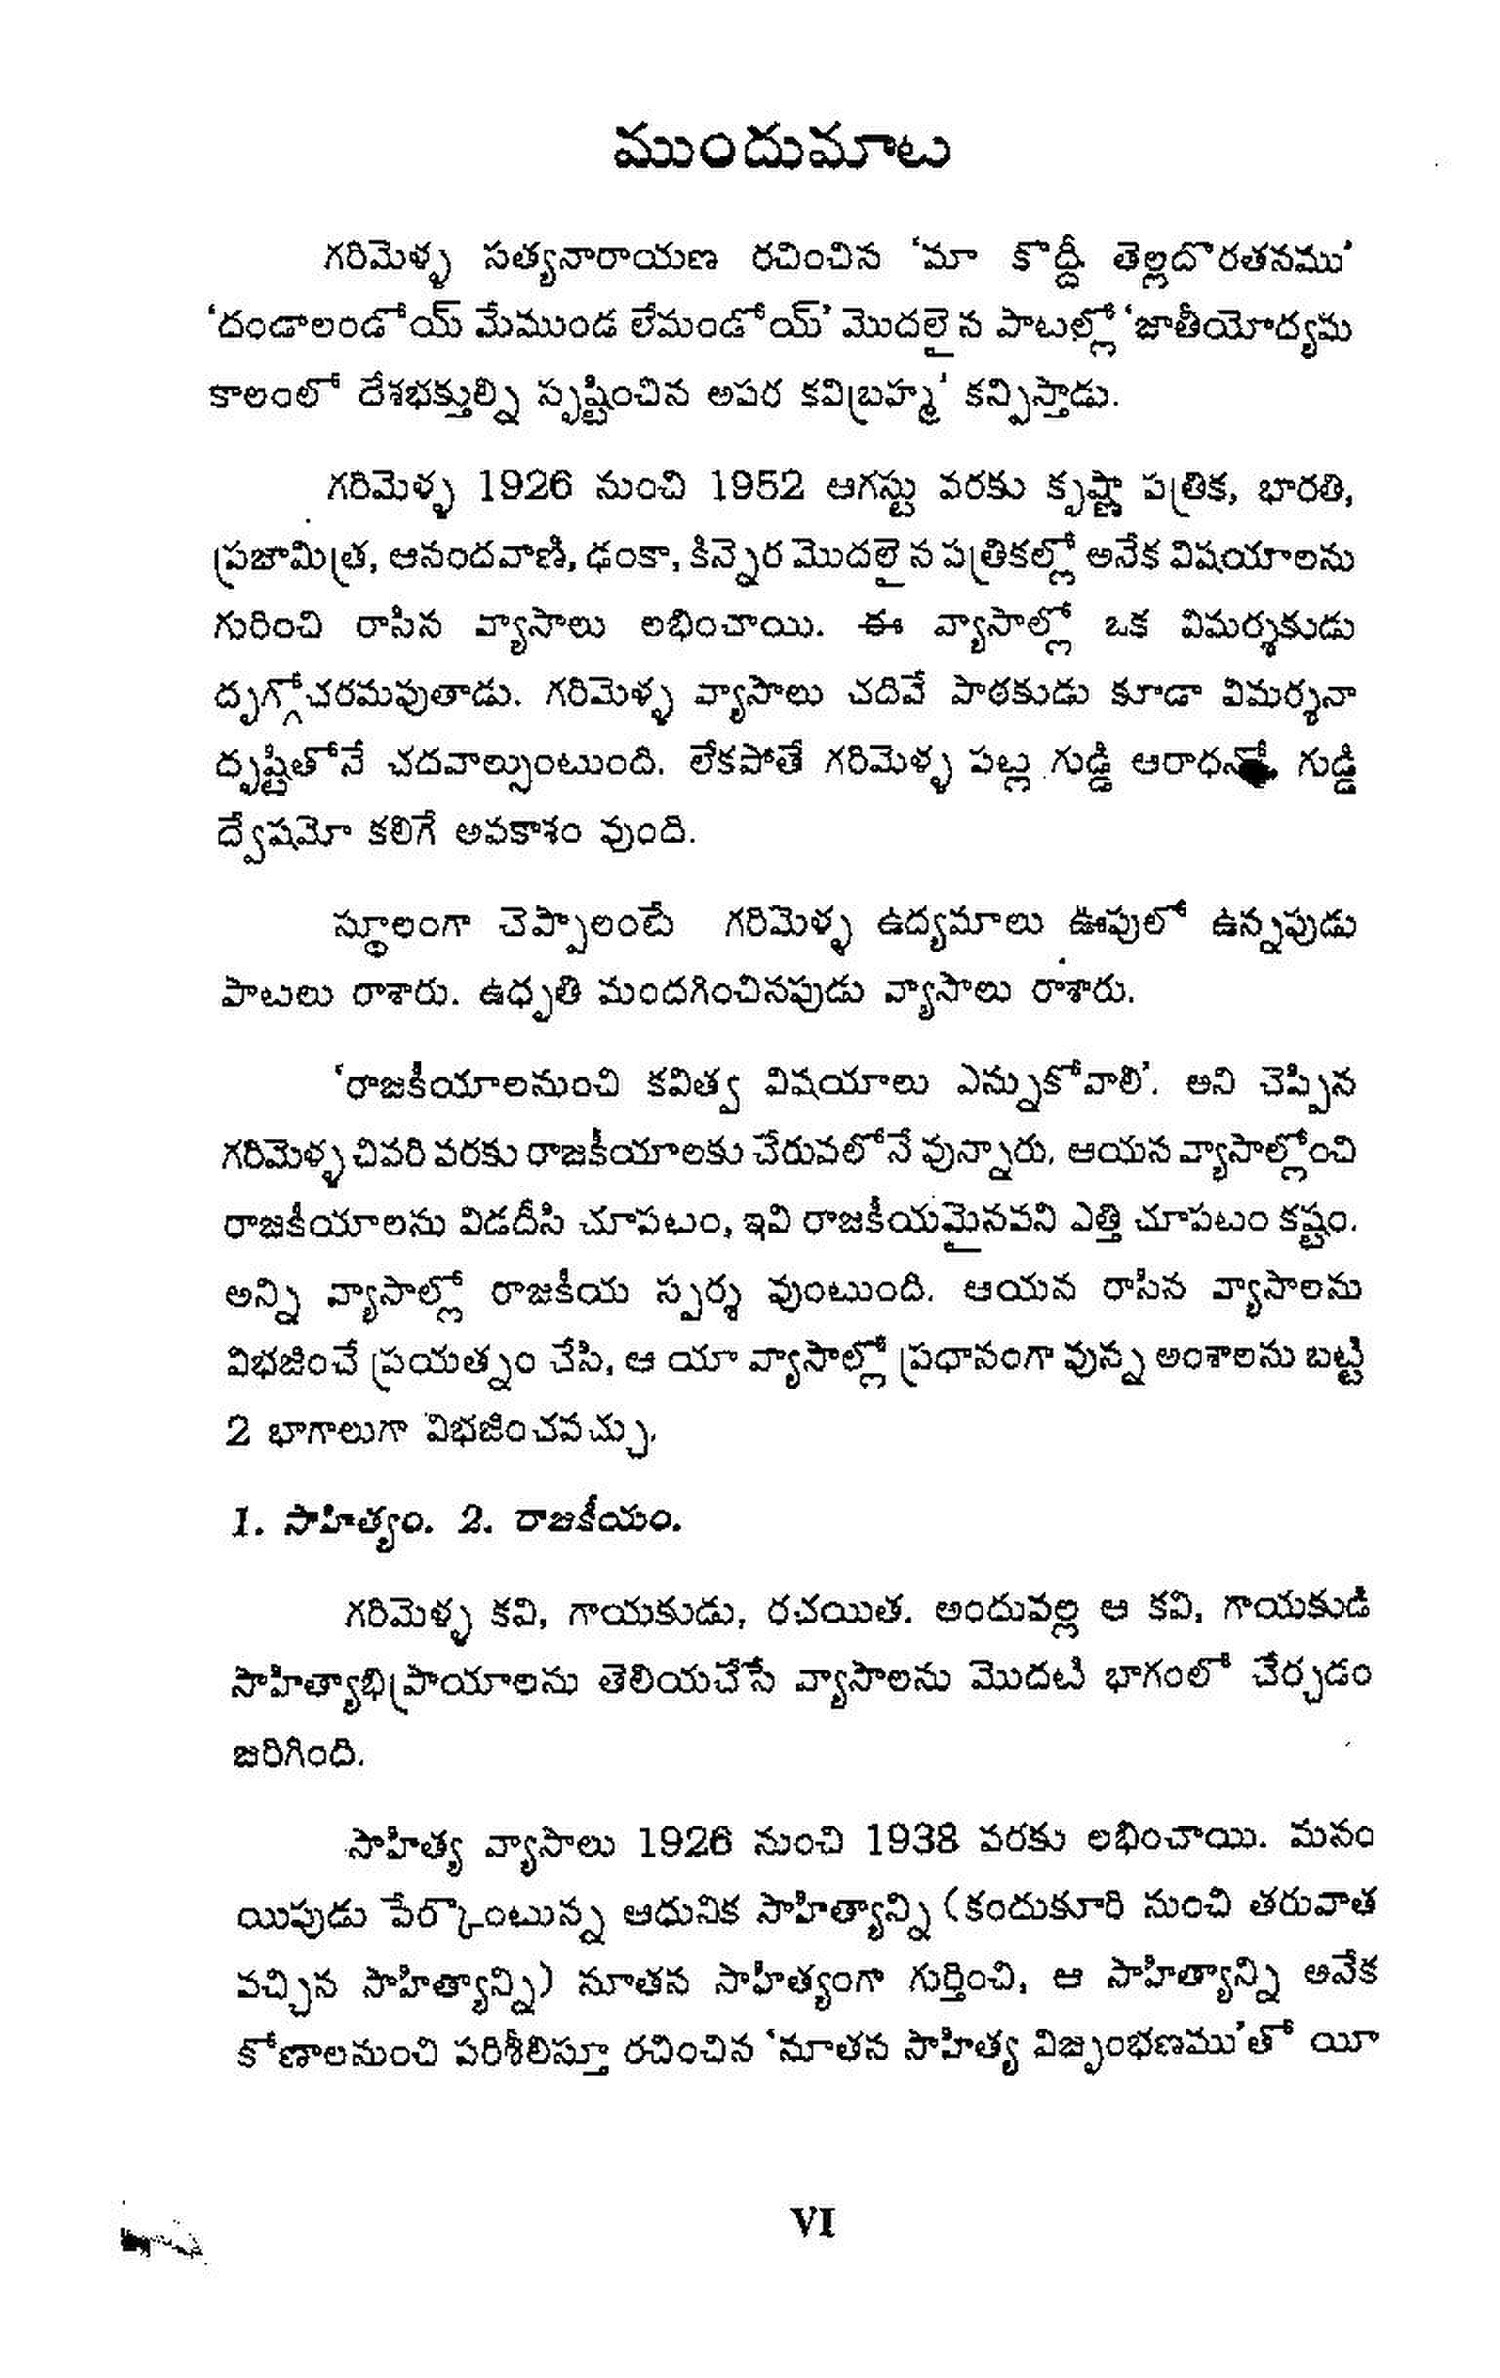ముందుమాట
గరిమెళ్ళ సత్యనారయణ రచించిన "మాకొద్దీ తెల్లదొరతనము ' 'దండాలోయ్ మేముండ లేమండోయ్ ' మొదలైన పాటల్లో 'జాతీయోద్యమ కాలంలో దేశభక్తుల్ని సృష్టింఇన అపర కవిబ్రహ్మ కన్పిస్తాడు.

గరిమెళ్ళ 1926 నుంచి 1952 ఆగస్టు వరకు కృష్ణా పత్రిక, భారతి, ప్రజామిత్ర, ఆనందవాణి, డంకా, కిన్నెర మొదలైన పత్రికల్లో అనేక విషయాలను గురించి రాసిన వ్యాసాలు లభించాయి. ఈ వ్యాసాల్లో ఒక విమర్శకుడు దృగ్గోచరమవుతాడు. గరిమెళ్ళ వ్యాసాలు చదివే పాఠకుడు కూడా విమర్శనా దృష్టితోనే చదవాల్సుంటుంది. లేకపోతే గరిమెళ్ళ పట్ల గుడ్ది ఆరాధనతో గుడ్ది ద్వేషమో కలిగే అవకాశం వుంది.

స్థూలంగా చెప్పాలంటే గరిమెళ్ళ ఉద్యమాలు ఊపులో ఉన్నపుడు పాటలు రాశారు. ఉదృతి మందగించినపుడు వ్యాసాలు రాశారు.

'రాజకీయాలనుంచి కవిత్వ విషయాలు ఎన్నుకోవాలి ' అని చెప్పిన గరిమెళ్ళ చివరివరకు రాజకీయాలకు చేరువలోనేవున్నారు. ఆయన వ్యాసాల్లోంచి రాజకీయాలను విడదీసి చూపటం, ఇవి రాజకీయమైనదని ఎత్తి చూపటం కష్టం. అన్నివ్యాసాల్లో రాజకీయ స్పర్శ వుంటుంది. ఆయన రాసిన వ్యాసాలను విభజించే ప్రయత్నం చేసి, ఆ యా వ్యాసాల్లో ప్రధానంగా వున్న అంశాలను బట్టి 2 భాగాలుగా విభజించవచ్చు.

1. సాహిత్యం. 2. రాజకీయం.

గరిమెళ్ళ కవి, గాయకుడు, రచయిత, అందువల్ల ఆ కవి, గాయకుడి సాహిత్యాభిప్రాయాలను తెలియచేసే వ్యాసాలను మొదటి భాగంలో చేర్చడం జరిగించి.

సాహిత్య వ్యాసాలు 1928 నుంచి 1938 వరకు లభించాయి. మనం యిపుడు పేర్కొంటున్న ఆధునిక సాహిత్యాన్ని (కందుకూరి నుంచి తరువాత వచ్చిన సాహిత్యాన్ని) నూతన సాహిత్యంగా గుర్తించి, ఆ సాహిత్యాన్ని అనేక కోణాలనుంచి పరిశీలిస్తూ 'నూతన సాహిత్య విజృంభణము ' తో యీ